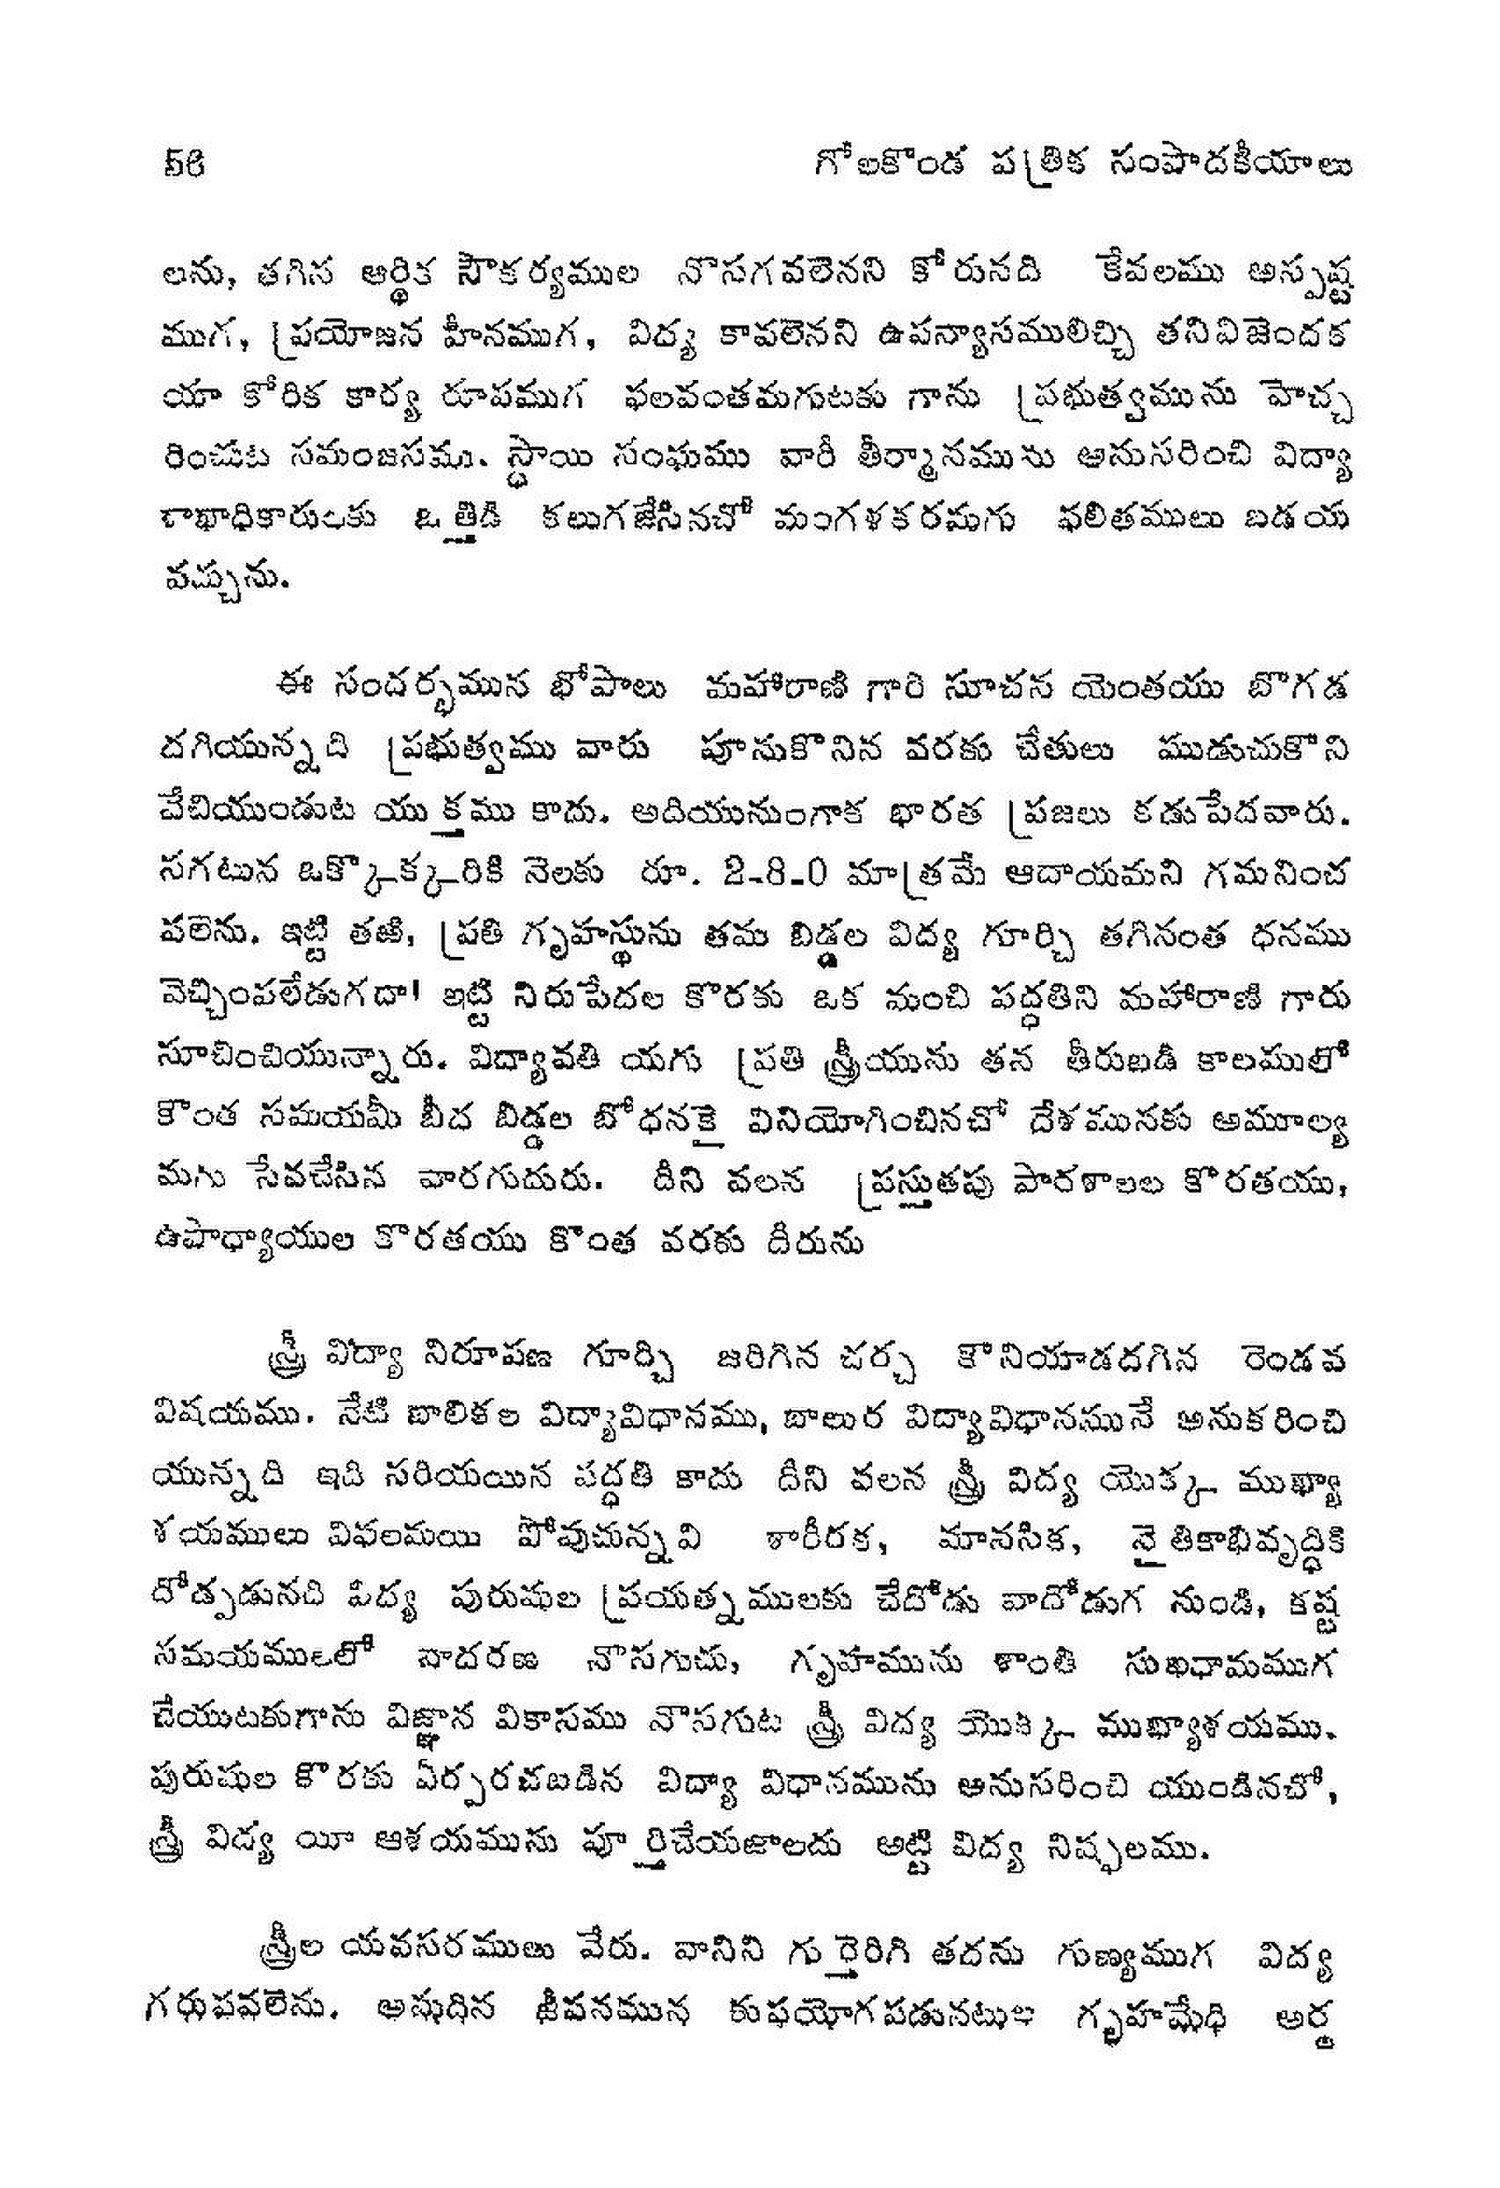లను, తగిన ఆర్థిక సౌకర్యముల నొసగవలెనని కోరునది కేవలము అస్పష్టముగ, ప్రయోజన హీనముగ, విద్య కావలెనని ఉపన్యాసములిచ్చి తనివిజెందక యా కోరిక కార్య రూపముగ ఫలవంతమగుటకు గాను ప్రభుత్వమును హెచ్చరించుట సమంజసము. స్థాయి సంఘము వారీ తీర్మానమును అనుసరించి విద్యాశాఖాధికారులకు ఒత్తిడి కలుగజేసినచో మంగళకరమగు ఫలితములు బడయవచ్చును.

ఈ సందర్భమున భోపాలు మహారాణి గారి సూచన యెంతయు బొగడ దగియున్నది ప్రభుత్వము వారు పూనుకొనిన వరకు చేతులు ముడుచుకొని వేచియుండుట యుక్తము కాదు. అదియునుంగాక భారత ప్రజలు కడుపేదవారు.
సగటున ఒక్కొక్కరికి నెలకు రూ.2-8-0 మాత్రమే ఆదాయమని గమనించవలెను. ఇట్టి తఱి, ప్రతి గృహస్థును తమ బిడ్డల విద్య గూర్చి తగినంత ధనము వెచ్చింపలేడుగదా! ఇట్టి నిరుపేదల కొరకు ఒక మంచి పద్ధతిని మహారాణి గారు సూచించియున్నారు. విద్యావతి యగు ప్రతి స్త్రీయును తన తీరుబడి కాలములో కొంత సమయమీ బీద బిడ్డల బోధనకై వినియోగించినచో దేశమునకు అమూల్యమగు సేవచేసిన వారగుదురు. దీని వలన దీని వలన ప్రస్తుతపు పాఠశాలల కొరతయు, ఉపాధ్యాయుల కొరతయు కొంత వరకు దీరును

స్త్రీ విద్యా నిరూపణ గూర్చి జరిగిన చర్చ కొనియాడదగిన రెండవ విషయము. నేటి బాలికల విద్యావిధానము, బాలుర విద్యావిధానమునే అనుకరించి యున్నది ఇది సరియయిన పద్దతి కాదు దీని వలన స్త్రీ విద్య యొక్క ముఖ్యాశయములు విఫలమయి పోవుచున్నవి శారీరక, మానసిక, నైతికాభివృద్ధికి దోడ్పడునది విద్య పురుషుల ప్రయత్నములకు చేదోడు వాదోడుగ నుండి, కష్ట సమయములలో నాదరణ నొసగుచు, గృహమును శాంతి సుఖధామముగ చేయుటకుగాను విజ్ఞాన వికాసము నొసగుట స్త్రీ విద్య యొక్క ముఖ్యాశయము. పురుషుల కొరకు ఏర్పరచబడిన విద్యా విధానమును అనుసరించి యుండినచో, స్త్రీ విద్య యీ ఆశయమును పూర్తిచేయజాలదు అట్టి విద్య నిష్ఫలము.

స్త్రీల యవసరములు వేరు. వానిని గుర్తెరిగి తదను గుణ్యముగ విద్య గరుపవలెను. అనుదిన జీవనమున కుపయోగపడునటుల గృహమేధి అర్థ